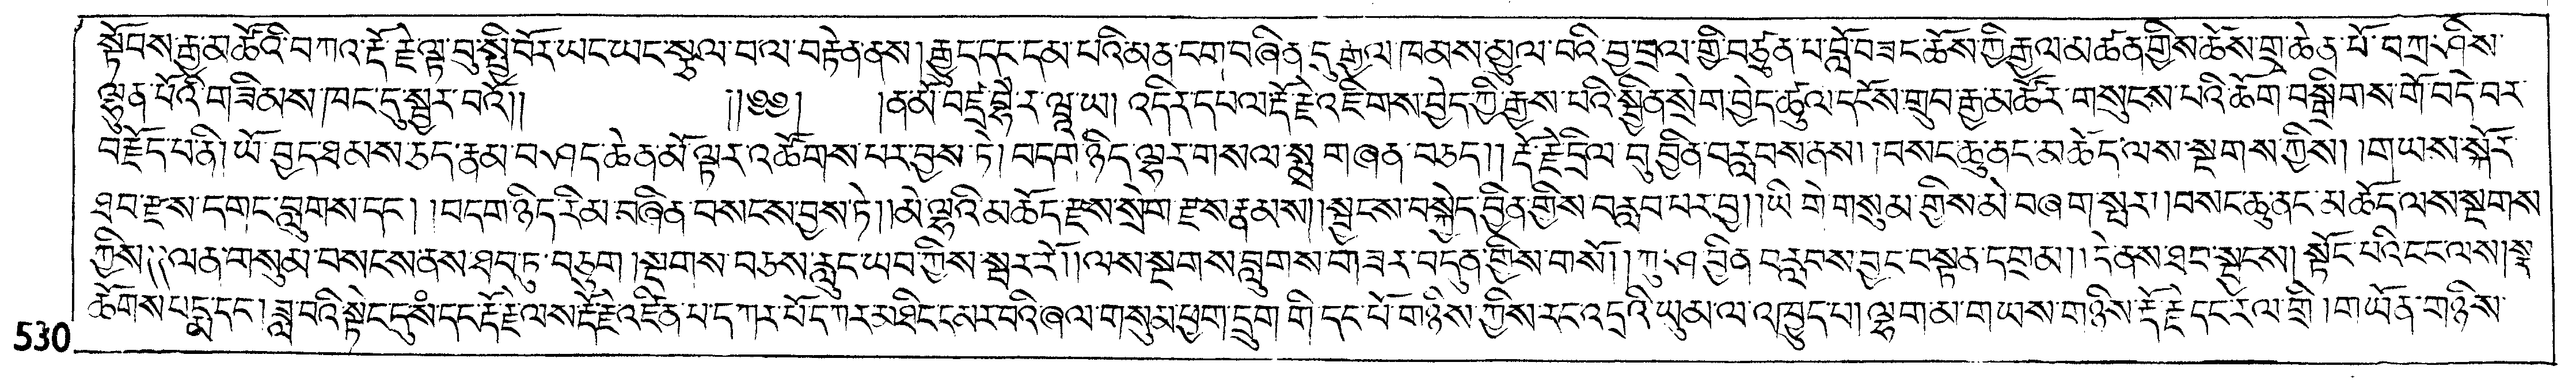སྟོབས་རྒྱ་མཚོའི་བཀའ་རྡོ་རྗེ་ལྟ་བུ་སྤྱི་བོར་ཡང་ཡང་སྩལ་བ་ལ་བརྟེན་ནས། རྒྱུད་དང་དམ་པའི་མན་ངག་བཞིན་དུ་རྒྱལ་ཁམས་མྱུལ་བའི་བྱ་བྲལ་གྱི་བཙུན་པ་བློ་བཟང་ཆོས་ཀྱི་རྒྱལ་མཚན་གྱིས་ཆོས་གྲྭ་ཆེན་པོ་བཀྲ་ཤིས་
ལྷུན་པོའི་གཟིམས་ཁང་དུ་སྦྱར་བའོ།། །།༄༅། །ན་མོ་བཛྲ་བྷཻ་ར་ཝཱ་ཡ། འདིར་དཔལ་རྡོ་རྗེ་འཇིགས་བྱེད་ཀྱི་རྒྱས་པའི་སྦྱིན་སྲེག་བྱེད་ཚུལ་དངོས་གྲུབ་རྒྱ་མཚོར་གསུངས་པའི་ཆོག་བསྒྲིགས་གོ་བདེ་བར་
བརྗོད་པ་ནི། ཡོ་བྱད་ཐམས་ཅད་རྣམ་བཤད་ཆེན་མོ་ལྟར་འཚོགས་པར་བྱས་ཏེ། བདག་ཉིད་ལྷར་གསལ་སྨྲ་གཞན་བཅད། །རྡོ་རྗེ་དྲིལ་བུ་བྱིན་བརླབས་ནས། །བསང་ཆུ་ནང་མཆོད་ལས་སྔགས་ཀྱིས། །གཡས་སྐོར་
ཐབ་རྫས་དགང་བླུགས་དང་། །བདག་ཉིད་རིམ་བཞིན་བསངས་བྱས་ཏེ། །མེ་ལྷའི་མཆོད་རྫས་སྲེག་རྫས་རྣམས། །སྦྱངས་བསྐྱེད་བྱིན་གྱིས་བརླབ་པར་བྱ། །ཡི་གེ་གསུམ་གྱིས་མེ་བཞག་སྤར། །བསང་ཆུ་ནང་མཆོད་ལས་སྔགས་
ཀྱིས༑ ༑ལན་གསུམ་བསངས་ནས་ཐབ་ཏུ་བཅུག །སྔགས་བཅས་རླུང་ཡབ་ཀྱིས་སྦར་རོ། །ལས་སྔགས་བླུགས་གཟར་བདུན་གྱིས་གསོ། །ཀུ་ཤ་བྱིན་བརླབས་བྱང་བསྟན་དགྲམ། །དེ་ནས་ཐབ་སྦྱངས། སྟོང་པའི་ངང་ལས། སྣ་
ཚོགས་པདམ་དང་། ཟླ་བའི་སྟེང་དུ་སཾ་དང་རྡོ་རྗེ་ལས་རྡོ་རྗེ་འཛིན་པ་དཀར་པོ་དཀར་མཐིང་དམར་བའི་ཞལ་གསུམ་ཕྱག་དྲུག་གི་དང་པོ་གཉིས་ཀྱིས་རང་འདྲའི་ཡུམ་ལ་འཁྱུད་པ། ལྷག་མ་གཡས་གཉིས་རྡོ་རྗེ་དང་རལ་གྲི། གཡོན་གཉིས་